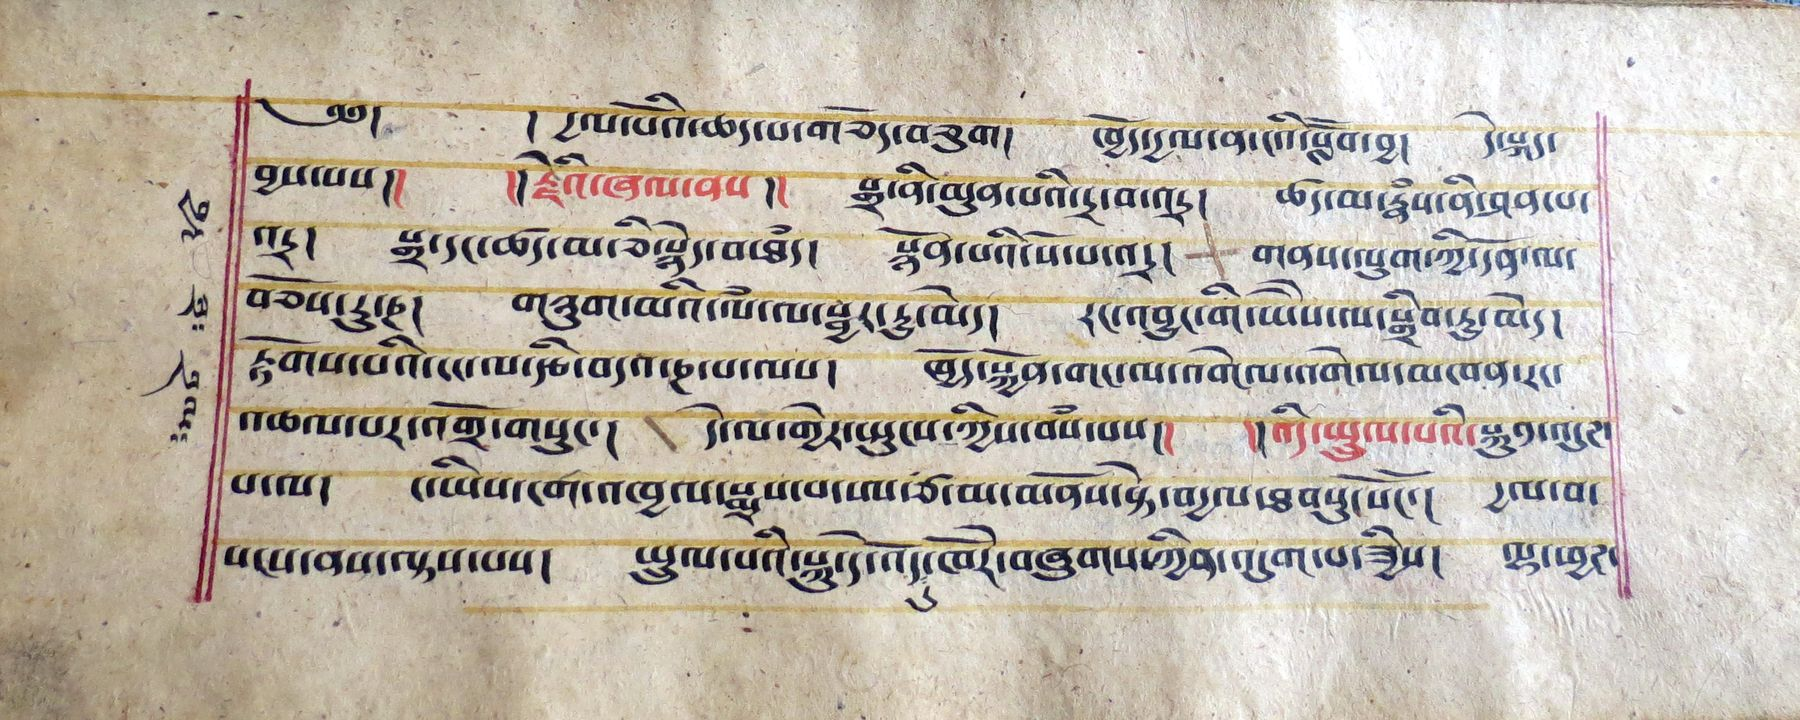རྒྱལ་པོས་ཆད་པ་གཅོད་དུ་འཇུག ཁྱོད་རྒྱལ་ན་ངའི་སློབ་དཔོན་བྱ། དེ་སྐད་
གསུངས་པས། རྗེའི་ཞལ་ནས་སྒྲ་ནི་མུན་པའི་དྲྭ་བ་འདྲ། ཚད་མ་རྣམས་ནི་ཤན་པ་
འདྲ། སྒྲ་དང་ཚད་མ་ཇི་སྙེད་པ་ཐམས་ཅད། སྨྱོན་པའི་སོ་པ་འདྲ། གནས་ལུགས་ཀྱི་དོན་ལ་
བཅོས་སུ་མེད། གཉུག་མའི་ལམ་ལ་སྦྱང་དུ་མེད། རང་འབྱུང་ཡེ་ཤེས་ལ་རྟོགས་རྒྱུ་མེད། 
རྟོགས་པའི་ངང་ལ་རྩིས་གདབ་མེད་པ་ལ། ཁྱོད་སྐྱོན་གང་ལ་འགེལ། འགེལ་མཁན་རང་
འཆལ་བར་འགྲོ་གསུངས། དེ་ལ་གྱེར་སྤུངས་ཀྱིས་བསམ་པས། འདི་སྤྲུལ་པའི་སྐུ་ཞིག་འདུག་
པ་ལ། ངས་ངག་འཁྱལ་སྨྲས། ཨ་ཙ་མ་མནོས་ཏེ། བརྒྱལ་ཐབས་སུ་སོང་། བརྒྱལ་བ་
སངས་ནས་བལྟས་པས། སྤྲུལ་པའི་སྐུ་དེ་འོད་དུ་འཁོར་རེ་བཞུགས་གྱིན་འདུག་པ་གཟིགས། ལྷ་ཕྱག་